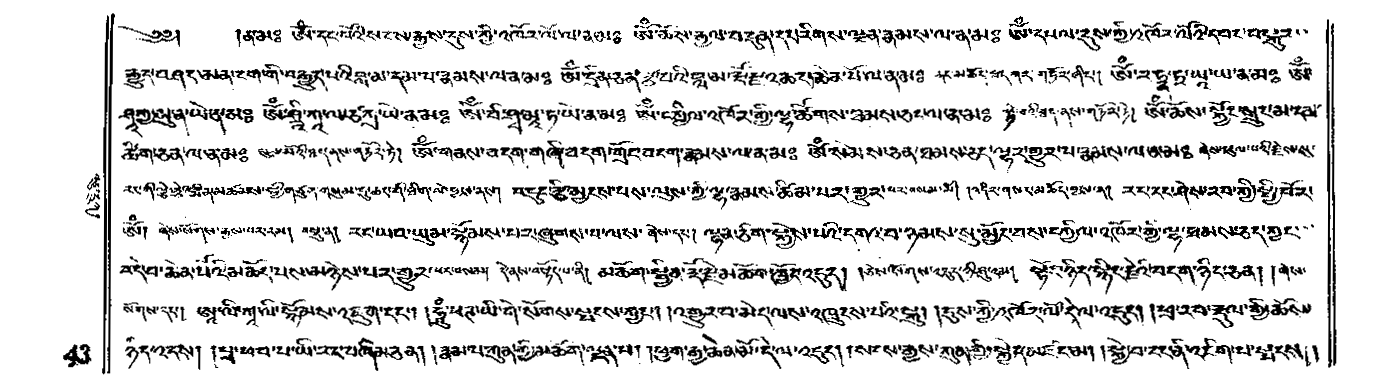༄༅། །ན་མཿ ཨོཾ་དང་པོའི་སངས་རྒྱས་དུས་ཀྱི་འཁོར་ལོ་ལ་ན་མཿ ཨོཾ་ཆོས་རྒྱལ་བདུན་དང་རིགས་ལྡན་རྣམས་ལ་ན་མཿ ཨོཾ་དཔལ་དུས་ཀྱི་འཁོར་ལོའི་དབང་བསྐུར་
རྒྱུད་བཤད་མན་ངག་གི་བརྒྱུད་པའི་བླ་མ་དམ་པ་རྣམས་ལ་ན་མཿ ཨོཾ་དྲིན་ཅན་རྩ་བའི་བླ་མ་རྡོ་རྗེ་འཆང་ཆེན་པོ་ལ་ན་མཿ ནང་མཆོད་ཐད་ཀར་གཏོར་ཞིང་།  ཨོཾ་རཏྣ་ཏྲ་ཡཱ་ཡ་ན་མཿ ཨོཾ་
ཤཱཀྱ་མུ་ན་ཡེ་ན་མཿ ཨོཾ་ཤྲཱི་ཀཱ་ལ་ཙཀྲ་ཡེ་ན་མཿ ཨོཾ་བི་ཤྭ་མཱ་ཏ་ཡེ་ན་མཿ ཨོཾ་དཀྱིལ་འཁོར་གྱི་ལྷ་ཚོགས་ཐམས་ཅད་ལ་ན་མཿ ལྟེ་བའི་ཐད་ནས་གཏོར་ཏེ།  ཨོཾ་ཆོས་སྐྱོང་སྲུང་མ་དམ་
ཚིག་ཅན་ལ་ན་མཿ ཐུང?་མོའི་ཐད་ནས་གཏོར་ཏེ།  ཨོཾ་གནས་བདག་གཞི་བདག་གྲོང་བདག་རྣམས་ལ་ན་མཿ ཨོཾ་སེམས་ཅན་ཐམས་ཅད་ལྷར་གྱུར་པ་རྣམས་ལ་ན་མཿ ཞེས་རྡུལ?་པའི་རྗེས་སུ་
རང་གི་ལྕེ་ཕྱེ?་སྨིན་མཚམས་སྤྱི་གཙུག་གསུམ་དུ་ཆང་གི་ཐིག་ལེ་བྱས་ནས། བདུད་རྩི་མྱངས་པས་ལུས་ཀྱི་ལྷ་རྣམས་ཚིམ་པར་གྱུར་བར་བསམ་མོ། །འདིར་གསང་མཆོད་བྱས་ན།  རང་དང་ཤེས་རབ་ཀྱི་སྤྱི་བོར་
ཨོཾ། ཞེས་སོགས་རྒྱས་པར་རམ། བསྡུ་ན།  རང་ཡབ་ཡུམ་སྙོམས་པར་ཞུགས་པ་ལས་ཞེས་དང་།  ལྷན་ཅིག་སྐྱེས་པའི་དགའ་བ་ཉམས་སུ་མྱོང་བས་དཀྱིལ་འཁོར་གྱི་ལྷ་ཐམས་ཅད་ཀྱང་
བདེ་བ་ཆེན་པོའི་མཆོད་པས་མཉེས་པར་གྱུར་པར་བསམ། དེ་ནས་བསྟོད་པ་ནི།  མཆོག་སྦྱིན་རྡོ་རྗེ་མཆོག་ཁྱོད་འདུད། ། ཅེས་སོགས་འདུད་ཉི་ཤུ་འམ།  སྟོང་ཉིད་སྙིང་རྗེའི་བདག་ཉིད་ཅན། །ཞེས་
སོགས་དང་། ཨཱ་ལི་ཀཱ་ལི་སྙོམས་འཇུག་དང་། །ཧཱུཾ་ཕཊ་ཡི་གེ་སོགས་སྤངས་ཀྱང་། །འགྱུར་བ་མེད་ལས་འཁྲུངས་པའི་སྐུ། །དུས་ཀྱི་འཁོར་ལོ་དེ་ལ་འདུད། །ཕྲ་རབ་རྡུལ་གྱི་ཆོས་
ཉིད་འདས། །པྲ་ཕབ་པ་ཡི་རང་བཞིམ་ཅན། །རྣམ་པ་ཀུན་གྱི་མཆོག་ལྡན་པ། །ཕྱག་རྒྱ་ཆེན་མོ་དེ་ལ་འདུད། །སངས་རྒྱས་ཀུན་གྱི་སྐྱེད་མཛད་མ། །སྐྱེ་བ་དང་ནི་འཇིག་པ་སྤངས། །